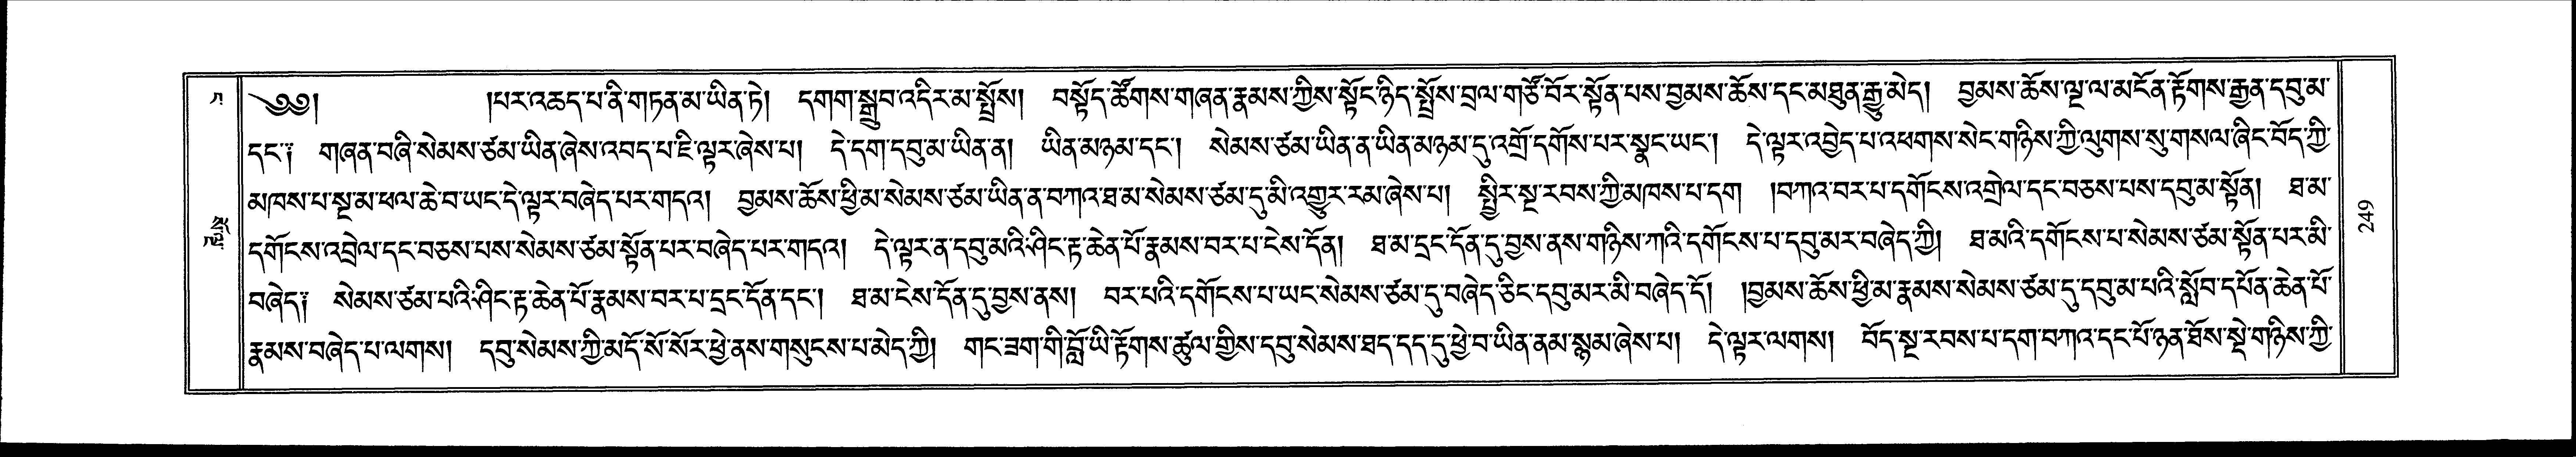༄༅། །པར་འཆད་པ་ནི་གཏན་མ་ཡིན་ཏེ། དགག་སྒྲུབ་འདིར་མ་སྤྲོས། བསྟོད་ཚོགས་གཞན་རྣམས་ཀྱིས་སྟོང་ཉིད་སྤྲོས་བྲལ་གཙོ་བོར་སྟོན་པས་བྱམས་ཆོས་དང་མཐུན་རྒྱུ་མེད། བྱམས་ཆོས་ལྔ་ལ་མངོན་རྟོགས་རྒྱན་དབུ་མ་
དང་། གཞན་བཞི་སེམས་ཙམ་ཡིན་ཞེས་འབད་པ་ཇི་ལྟར་ཞེས་པ། དེ་དག་དབུ་མ་ཡིན་ན། ཡིན་མཉམ་དང་། སེམས་ཙམ་ཡིན་ན་ཡིན་མཉམ་དུ་འགྲོ་དགོས་པར་སྣང་ཡང་། དེ་ལྟར་འབྱེད་པ་འཕགས་སེང་གཉིས་ཀྱི་ལུགས་སུ་གསལ་ཞིང་བོད་ཀྱི་
མཁས་པ་སྔ་མ་ཕལ་ཆེ་བ་ཡང་དེ་ལྟར་བཞེད་པར་གདའ། བྱམས་ཆོས་ཕྱི་མ་སེམས་ཙམ་ཡིན་ན་བཀའ་ཐ་མ་སེམས་ཙམ་དུ་མི་འགྱུར་རམ་ཞེས་པ། སྤྱིར་སྔ་རབས་ཀྱི་མཁས་པ་དག །བཀའ་བར་པ་དགོངས་འགྲེལ་དང་བཅས་པས་དབུ་མ་སྟོན། ཐ་མ་
དགོངས་འབྲེལ་དང་བཅས་པས་སེམས་ཙམ་སྟོན་པར་བཞེད་པར་གདའ། དེ་ལྟར་ན་དབུ་མའི་ཤིང་རྟ་ཆེན་པོ་རྣམས་བར་པ་ངེས་དོན། ཐ་མ་དྲང་དོན་དུ་བྱས་ནས་གཉིས་ཀའི་དགོངས་པ་དབུ་མར་བཞེད་ཀྱི། ཐ་མའི་དགོངས་པ་སེམས་ཙམ་སྟོན་པར་མི་
བཞེད། སེམས་ཙམ་པའི་ཤིང་རྟ་ཆེན་པོ་རྣམས་པར་པ་དྲང་དོན་དང་། ཐ་མ་ངེས་དོན་དུ་བྱས་ནས། བར་པའི་དགོངས་པ་ཡང་སེམས་ཙམ་དུ་བཞེད་ཅིང་དབུ་མར་མི་བཞེད་དོ། །བྱམས་ཆོས་ཕྱི་མ་རྣམས་སེམས་ཙམ་དུ་དབུ་མ་པའི་སློབ་དཔོན་ཆེན་པོ་
རྣམས་བཞེད་པ་ལགས། དབུ་སེམས་ཀྱི་མདོ་སོ་སོར་ཕྱེ་ནས་གསུངས་པ་མེད་ཀྱི། གང་ཟག་གི་བློ་ཡི་རྟོགས་ཚུལ་གྱིས་དབུ་སེམས་ཐད་དད་དུ་ཕྱེ་བ་ཡིན་ནམ་སྙམ་ཞེས་པ། དེ་ལྟར་ལགས། བོད་སྔ་རབས་པ་དག་བཀའ་དང་པོ་ཉན་ཐོས་སྡེ་གཉིས་ཀྱི་